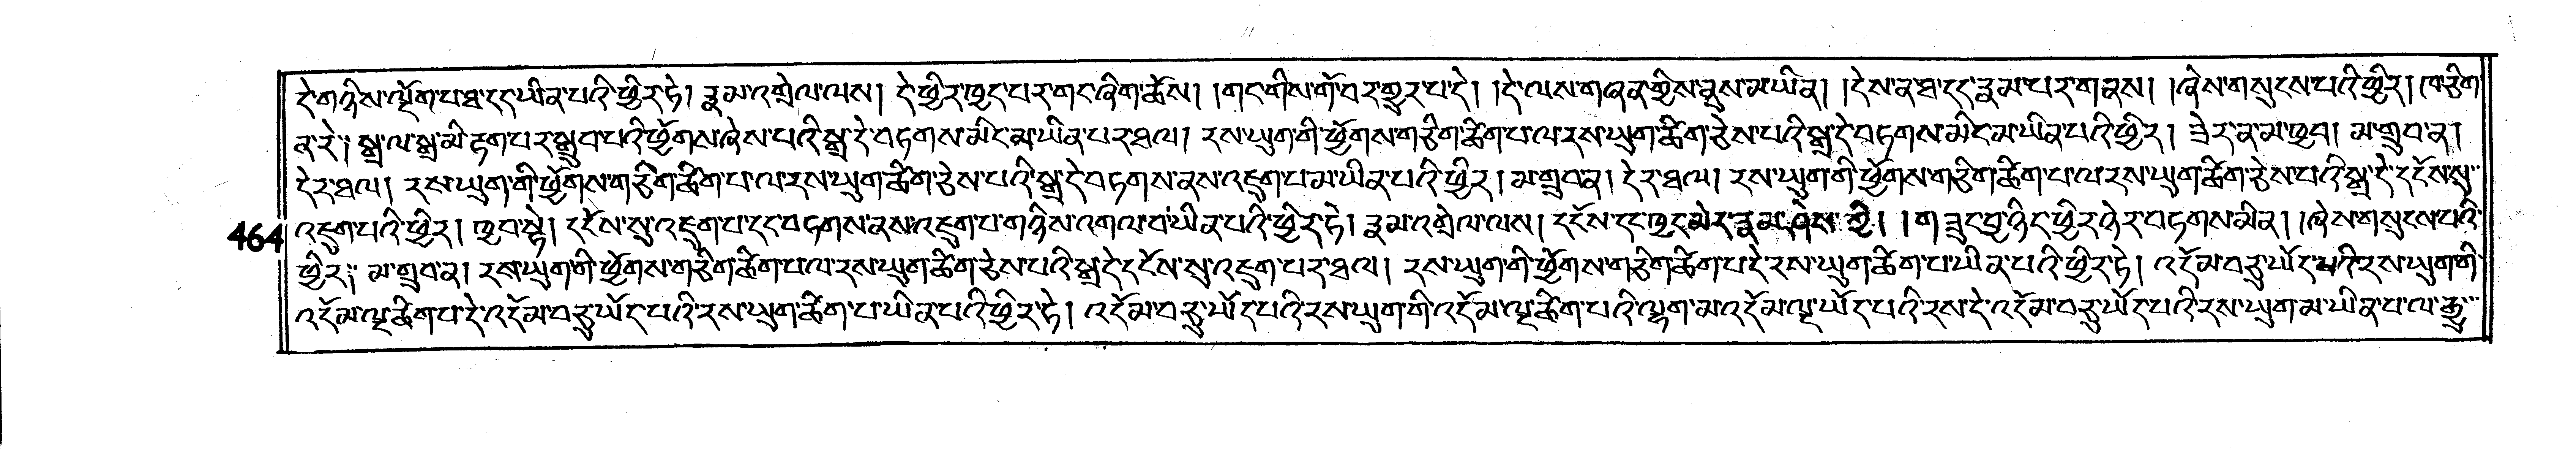དེ་གཉིས་ལྡོག་པ་ཐ་དད་ཡིན་པའི་ཕྱིར་ཏེ། རྣམ་འགྲེལ་ལས། དེ་ཕྱིར་ཁྱད་པར་གང་ཞིག་ཆོས། །གང་གིས་གོ་བར་གྱུར་པ་དེ། །དེ་ལས་གཞན་གྱིས་ནུས་མ་ཡིན། །དེས་ན་ཐ་དད་རྣམ་པར་གནས། །ཞེས་གསུངས་པའི་ཕྱིར། ཁ་ཅིག་
ན་རེ༑ སྒྲ་ལ་སྒྲ་མི་རྟག་པར་སྒྲུབ་པའི་ཕྱོགས་ཞེས་པའི་སྒྲ་དེ་བཏགས་མིང་མ་ཡིན་པར་ཐལ། རས་ཡུག་གི་ཕྱོགས་གཅིག་ཚིག་པ་ལ་རས་ཡུག་ཚིག་ཅེས་པའི་སྒྲ་དེ་བཏགས་མིང་མ་ཡིན་པའི་ཕྱིར། ཟེར་ན་མ་ཁྱབ། མ་གྲུབ་ན།
དེར་ཐལ། རས་ཡུག་གི་ཕྱོགས་གཅིག་ཚིག་པ་ལ་རས་ཡུག་ཚིག་ཅེས་པའི་སྒྲ་དེ་བཏགས་ནས་འཇུག་པ་མ་ཡིན་པའི་ཕྱིར། མ་གྲུབ་ན། དེར་ཐལ། རས་ཡུག་གི་ཕྱོགས་གཅིག་ཚིག་པ་ལ་རས་ཡུག་ཚིག་ཅེས་པའི་སྒྲ་དེ་དངོས་སུ་
འཇུག་པའི་ཕྱིར། ཁྱབ་སྟེ། དངོས་སུ་འཇུག་པ་དང་བཏགས་ནས་འཇུག་པ་གཉིས་འགལ་བ་ཡིན་པའི་ཕྱིར་ཏེ། རྣམ་འགྲེལ་ལས། དངོས་དང་ཁྱད་མེད་རྣམ་ཤེས་ཀྱི། །གཟུང་བྱ་ཉིད་ཕྱིར་ཉེར་བཏགས་མིན། །ཞེས་གསུངས་པའི་
ཕྱིར༑ མ་གྲུབ་ན། རས་ཡུག་གི་ཕྱོགས་གཅིག་ཚིག་པ་ལ་རས་ཡུག་ཚིག་ཅེས་པའི་སྒྲ་དེ་དངོས་སུ་འཇུག་པར་ཐལ། རས་ཡུག་གི་ཕྱོགས་གཅིག་ཚིག་པ་དེ་རས་ཡུག་ཚིག་པ་ཡིན་པའི་ཕྱིར་ཏེ། འདོམ་བཅུ་ཡོད་པའི་རས་ཡུག་གི་
འདོམ་ལྔ་ཚིག་པ་དེ་འདོམ་བཅུ་ཡོད་པའི་རས་ཡུག་ཚིག་པ་ཡིན་པའི་ཕྱིར་ཏེ། འདོམ་བཅུ་ཡོད་པའི་རས་ཡུག་གི་འདོམ་ལྔ་ཚིག་པའི་ལྷག་མ་འདོམ་ལྔ་ཡོད་པའི་རས་དེ་འདོམ་བཅུ་ཡོད་པའི་རས་ཡུག་མ་ཡིན་པ་ལ་རྒྱུ་